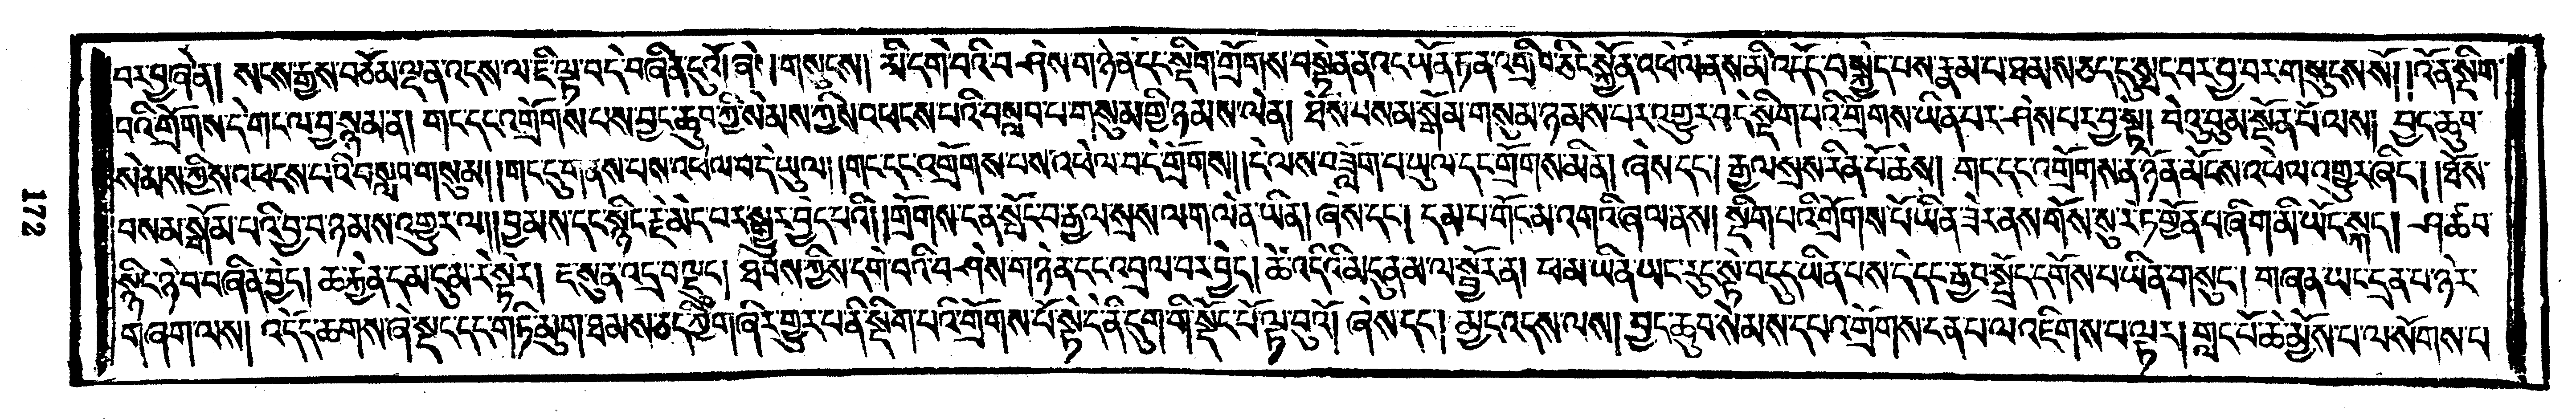བར་བྱ་ཞེ་ན། སངས་རྒྱས་བཅོམ་ལྡན་འདས་ལ་ཇི་ལྟ་བདེ་བཞིན་དུའོ། ཞེས་གསུངས། མི་དགེ་བའི་བཤེས་གཉེན་དང་སྡིག་གྲོགས་བསྟེན་ནའང་ཡོན་ཏན་འགྲིབ་ཅིང་སྐྱོན་འཕེལ་ནས་མི་འདོད་བསྐྱེད་པས་རྣམ་པ་ཐམས་ཅད་དུ་སྤང་བར་བྱ་བར་གསུངས་སོ། །འོ་ན་སྡིག་
པའི་གྲོགས་དེ་གང་ལ་བྱ་སྙམ་ན། གང་དང་འགྲོགས་པས་བྱང་ཆུབ་ཀྱི་སེམས་ཀྱིས་འཕངས་པའི་བསླབ་པ་གསུམ་གྱི་ཉམས་ལེན། ཐོས་བསམ་སྒོམ་གསུམ་ཉམས་པར་འགྱུར་བདེ་སྡིག་པའི་གྲོགས་ཡིན་པར་ཤེས་པར་བྱ་སྟེ། བེའུ་བུམ་སྔོན་པོ་ལས། བྱང་ཆུབ་
སེམས་ཀྱིས་འཕངས་པའི་བསླབ་གསུམ། །གང་དུ་གནས་པས་འཕེལ་བ་དེ་ཡུལ། །གང་དང་འགྲོགས་པས་འཕེལ་པ་དེ་གྲོགས། །དེ་ལས་བཟློག་པ་ཡུལ་དང་གྲོགས་མིན། ཞེས་དང་། རྒྱལ་སྲས་རིན་པོ་ཆེས། གང་དང་འགྲོགས་ན་ཉོན་མོངས་འཕེལ་འགྱུར་ཞིང་། །ཐོས་
བསམ་སྒོམ་པའི་བྱ་བ་ཉམས་འགྱུར་ལ། །བྱམས་དང་སྙིང་རྗེ་མེད་བར་སྒྱུར་བྱེད་པའི། །གྲོགས་ངན་སྤོང་བ་རྒྱལ་སྲས་ལག་ལེན་ཡིན། ཞེས་དང་། དམ་པ་གོང་མ་འགའི་ཞལ་ནས། སྡིག་པའི་གྲོགས་པོ་ཡིན་ཟེར་ནས་གོས་སུ་རེ་ཏ་གྱོན་པ་ཞིག་མི་ཡོད་སྐད། ཤ་ཚབ་
སྙིང་ཉེ་བ་བཞིན་བྱེད། ཆ་རྐྱེན་དམ་དུ་མ་རེ་སྟེར། ཇ་སུན་འདྲ་བ་ལྡུང་། ཐབས་ཀྱིས་དགེ་བའི་བཤེས་གཉེན་དང་འབྲལ་བར་བྱེད། ཚེ་འདིའི་མདུན་མ་ལ་སྦྱོར་ན། ཕ་མ་ཡིན་ཡང་རུང་སྟེ་བདུད་ཡིན་པས་དེ་དང་རྒྱབ་སྤྲོད་དགོས་པ་ཡིན་གསུང་། གཞན་ཡང་དྲན་པ་ཉེར་
གཞག་ལས། འདོད་ཆགས་ཞེ་སྡང་དང་གཏི་མུག་ཐམས་ཅད་ཀྱི་གཞིར་གྱུར་པ་ནི་སྡིག་པའི་གྲོགས་པོ་སྟེ་དེ་ནི་དུག་གི་སྡོང་པོ་ལྟ་བུའོ། ཞེས་དང་། མྱང་འདས་ལས། བྱང་ཆུབ་སེམས་དཔའ་གྲོགས་ངན་པ་ལ་འཇིགས་པ་ལྟར། གླང་པོ་ཆེ་མྱོས་པ་ལ་སོགས་པ་